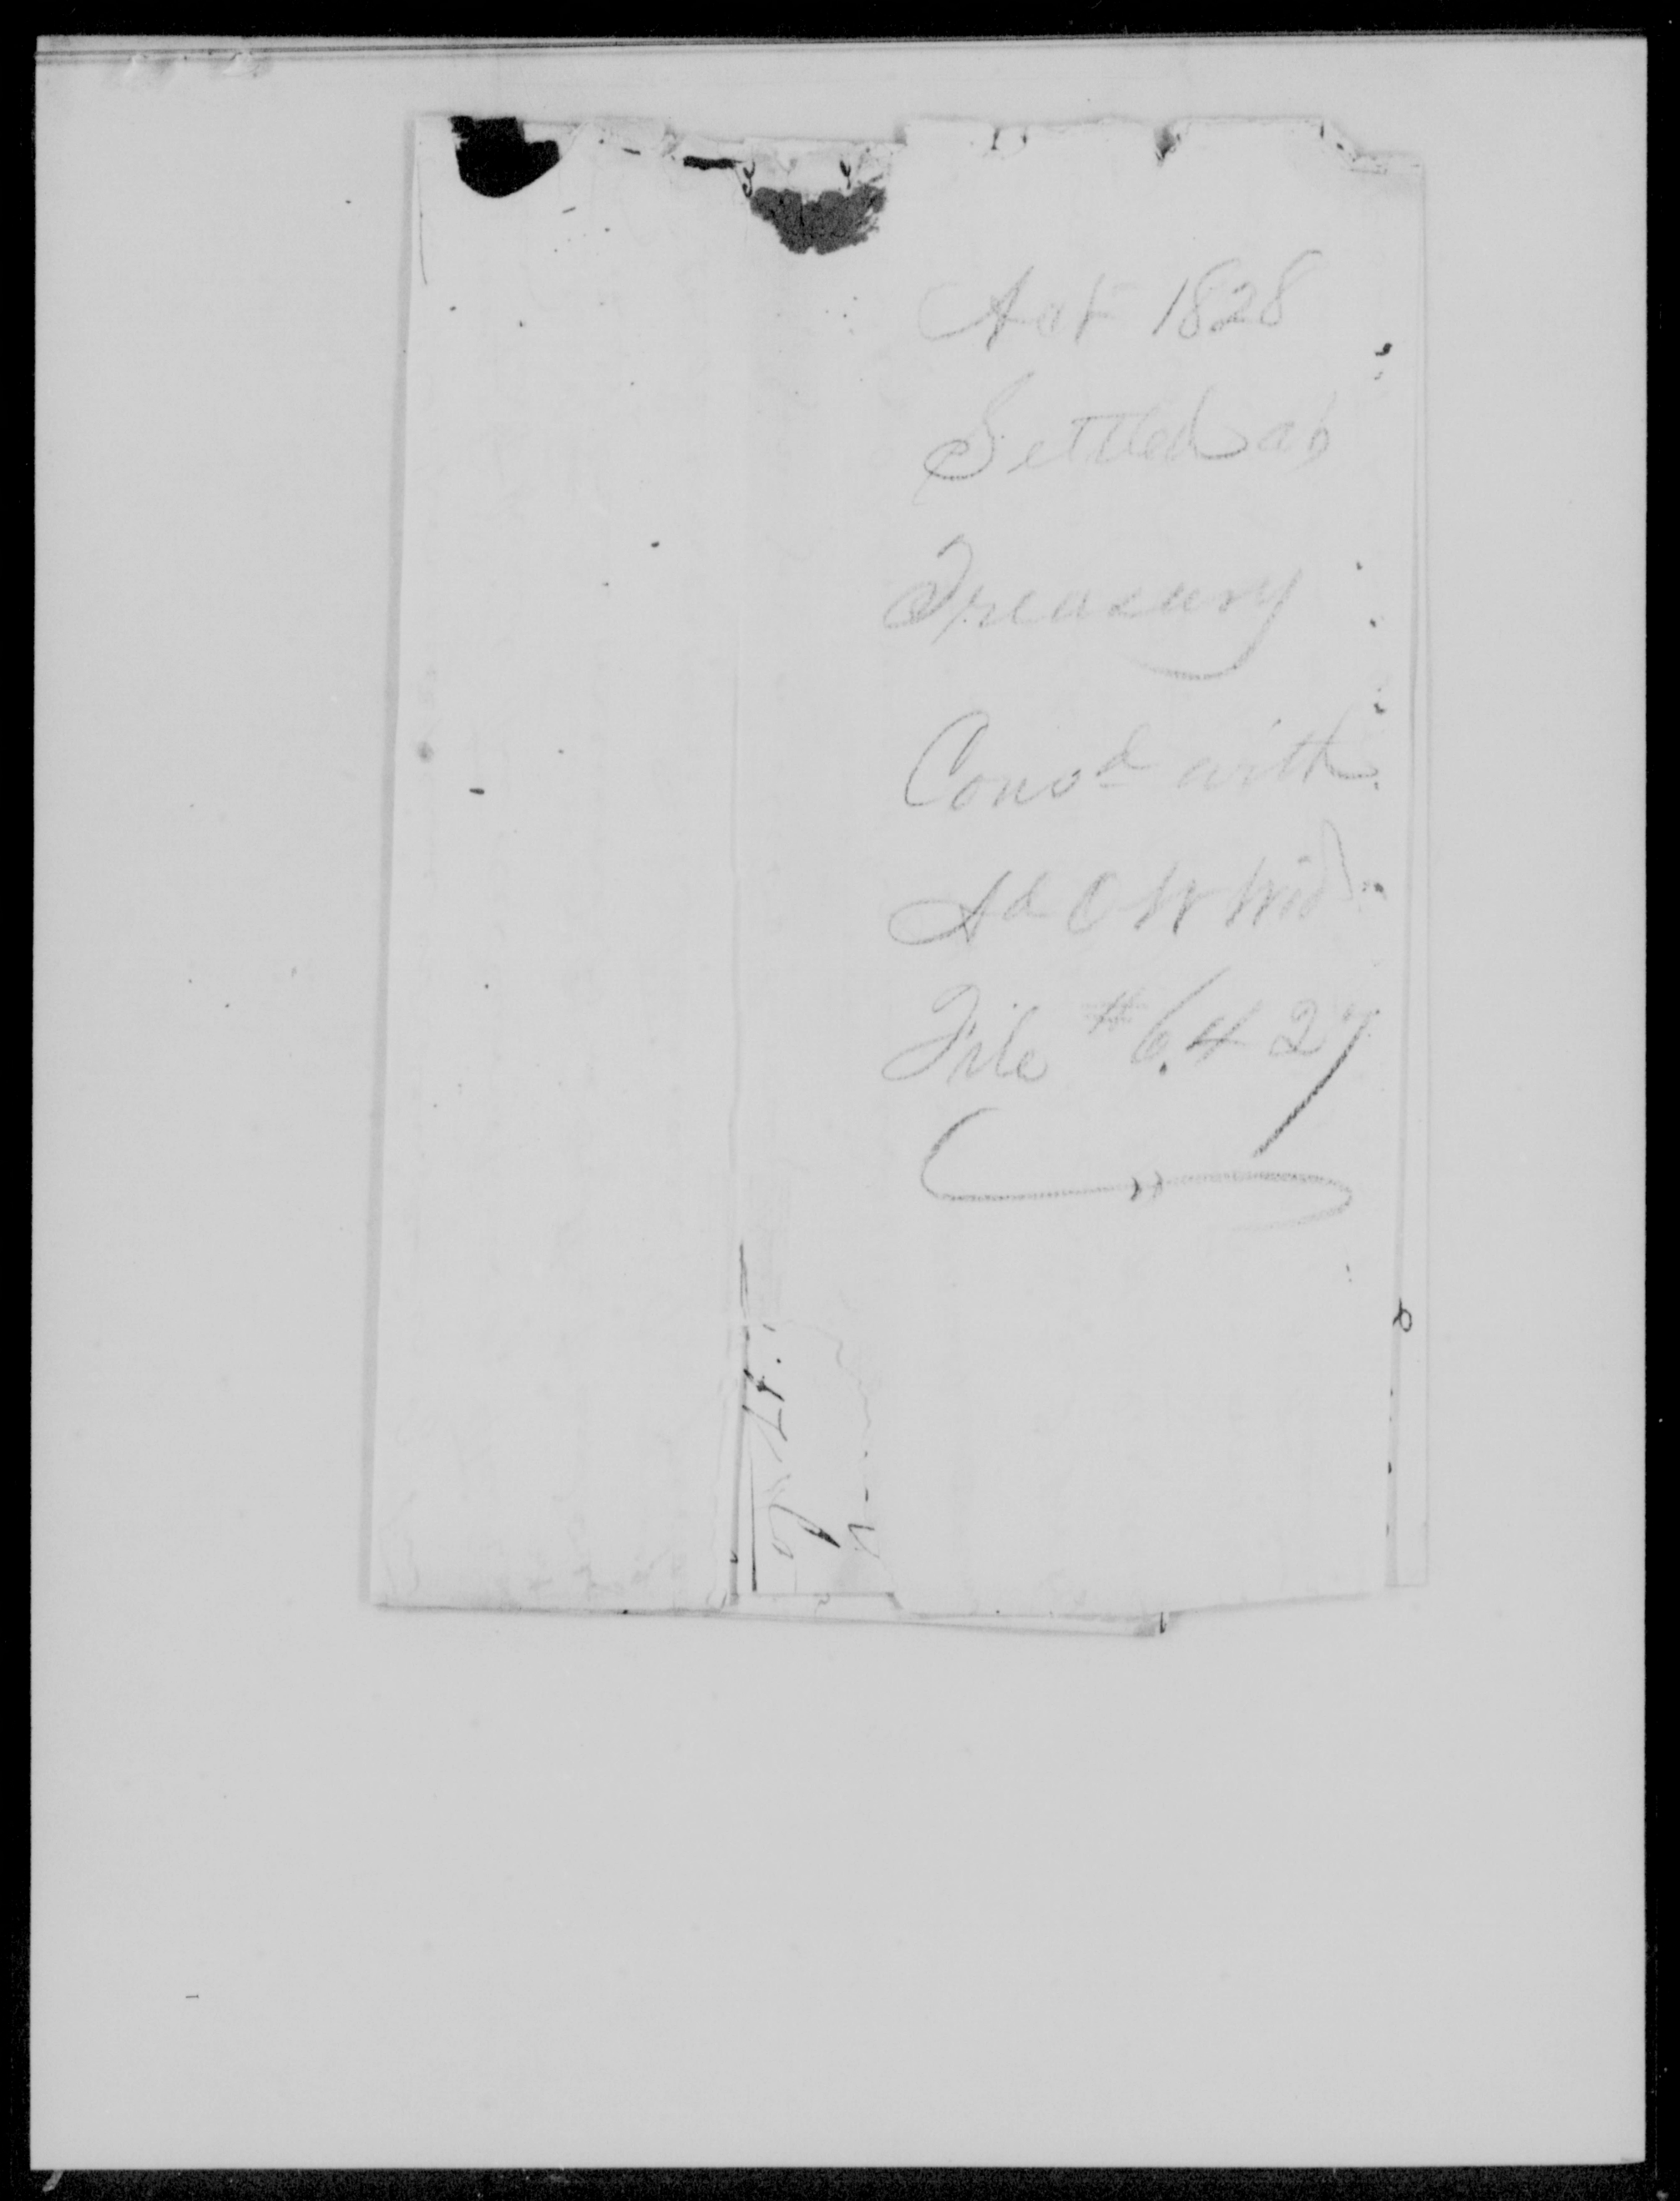Act 1828
Settled at
Treasury
Conc'd with
Ad OW Wid.
File 6427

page: 31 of 59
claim: widow's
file: W. 6427, Samuel Waples, Va.